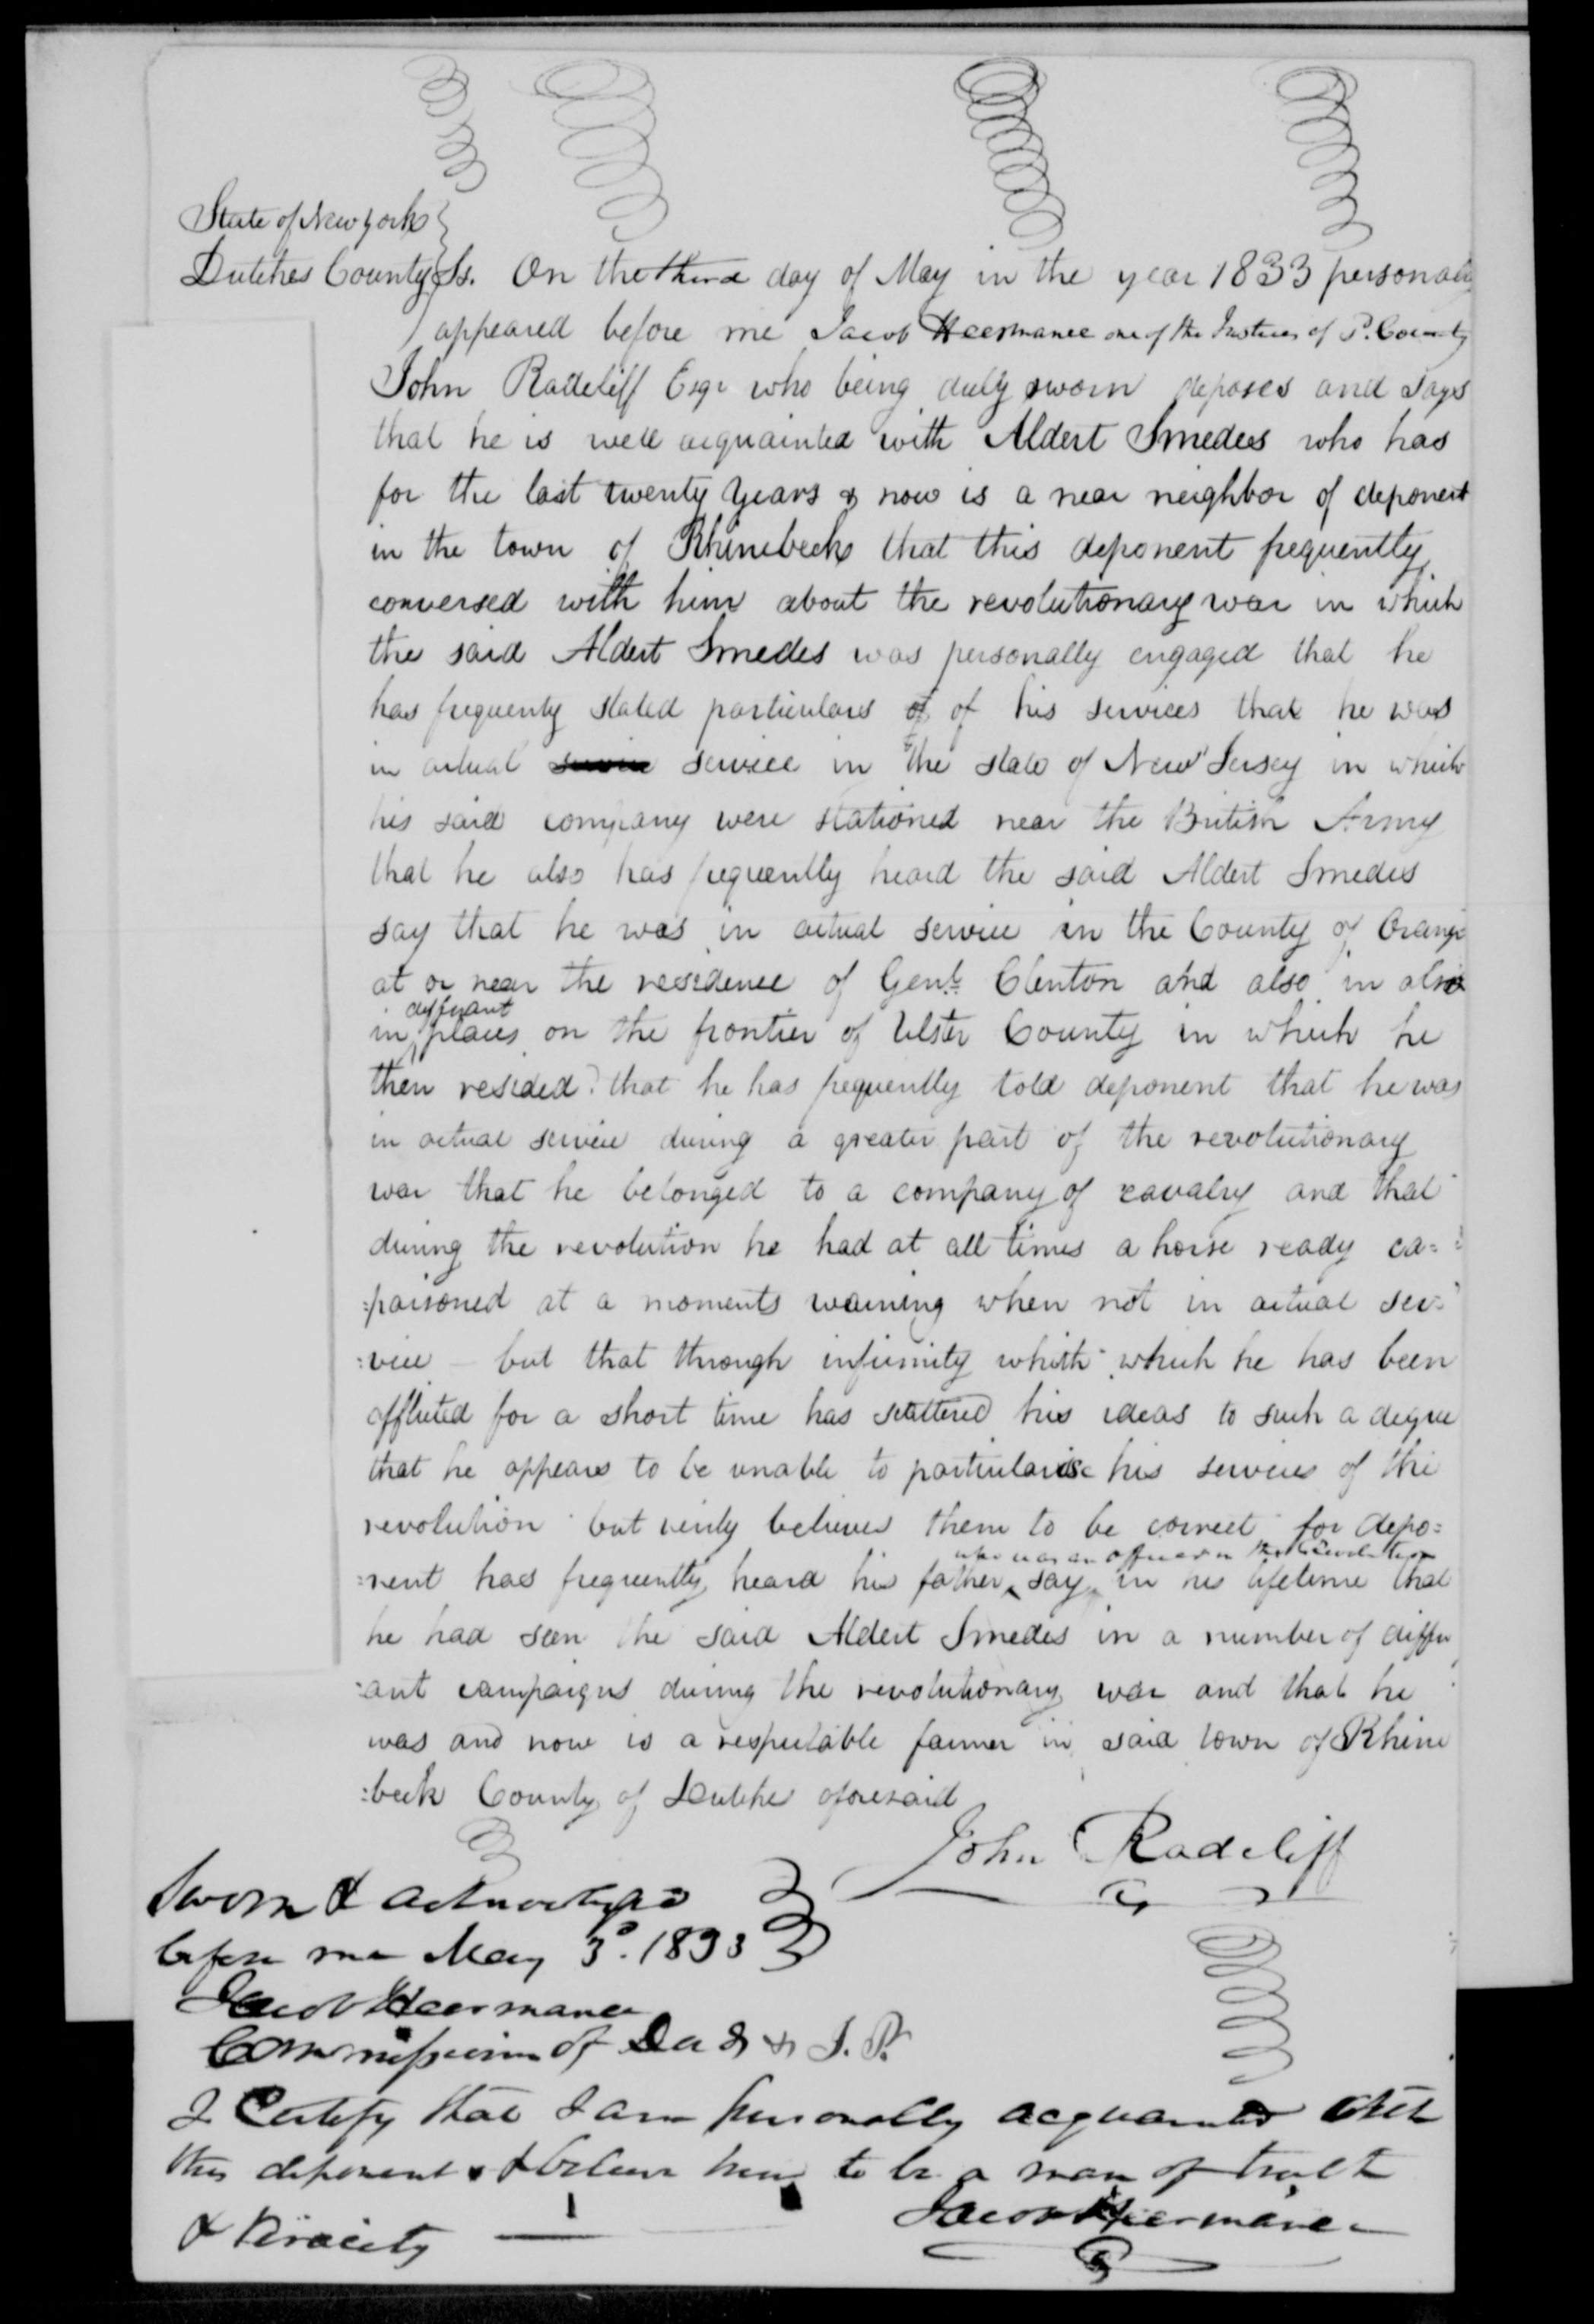State of New York
Dutches [Dutchess] County } ss
On the third day of May in the year 1833 personally appeared before me Jacob Heermance one of the Justices of sd. [said] County John Radcliff Esqr [Esquire] who being duly sworn deposes and says that he is well acquainted with Aldert Smedes who has fo rthe last twenty years & now is a near neighbor of deponent in the town of Rhinebeck that this deponent frequently conversed with him about the revolutionary war in which the said Aldert Smedes was personally engaged that he has frequenly [frequently] stated particulars of his services that he was in actual [crossed out:  service] service in the state of New Jersey in which his said company were stationed near the British Army that he also has frequently heard the said Aldert Smedes say that he was in actual service in the County of Orange at or near the residence of Genl [General] Clinton and also in also in different places on the frontier of Ulster County in which he then resided? that he has frequently told deponent that he was in actual service during a greater part of the revolutionary war that he belonged to a company of cavalry and that during the revolution he had at all times a horse ready caparisoned at a moment's warning when not in actual service but that through infirmity whith [with] which he has been afflicted for a short time has scattered his ideas to such a degree that he appears to be unable to particularise his services of the revolution but verily believes them to be correct for deponent has frequently heard his father who was an officer in the Revolution say in his lifetime that he had seen the said Aldert Smedes in a number of differant [different] compaigns during the revolutionary war and that he was and now is a respectable farm in said town of Rhinebeck County of Dutches aforesaid

John Radcliff

Sworn & acknowleged before me May 3rd 1833}
Jacob Heermance
Commissioner of Deeds and J. P.

I Certify that I am personally acquainted with this deponent & believe him to be a man of truth & veracity
Jacob Heermance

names: John Radcliff; [BLANK] Clenton; Aldert Smedes; Jacob Heermance; John Radcliff; Jacob Heermance; Aldert Smedes; Aldert Smedes; Jacob Heermance; Aldert Smedes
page: 13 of 29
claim: survivor's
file: S. 11415, for Aldert Smedes, New York